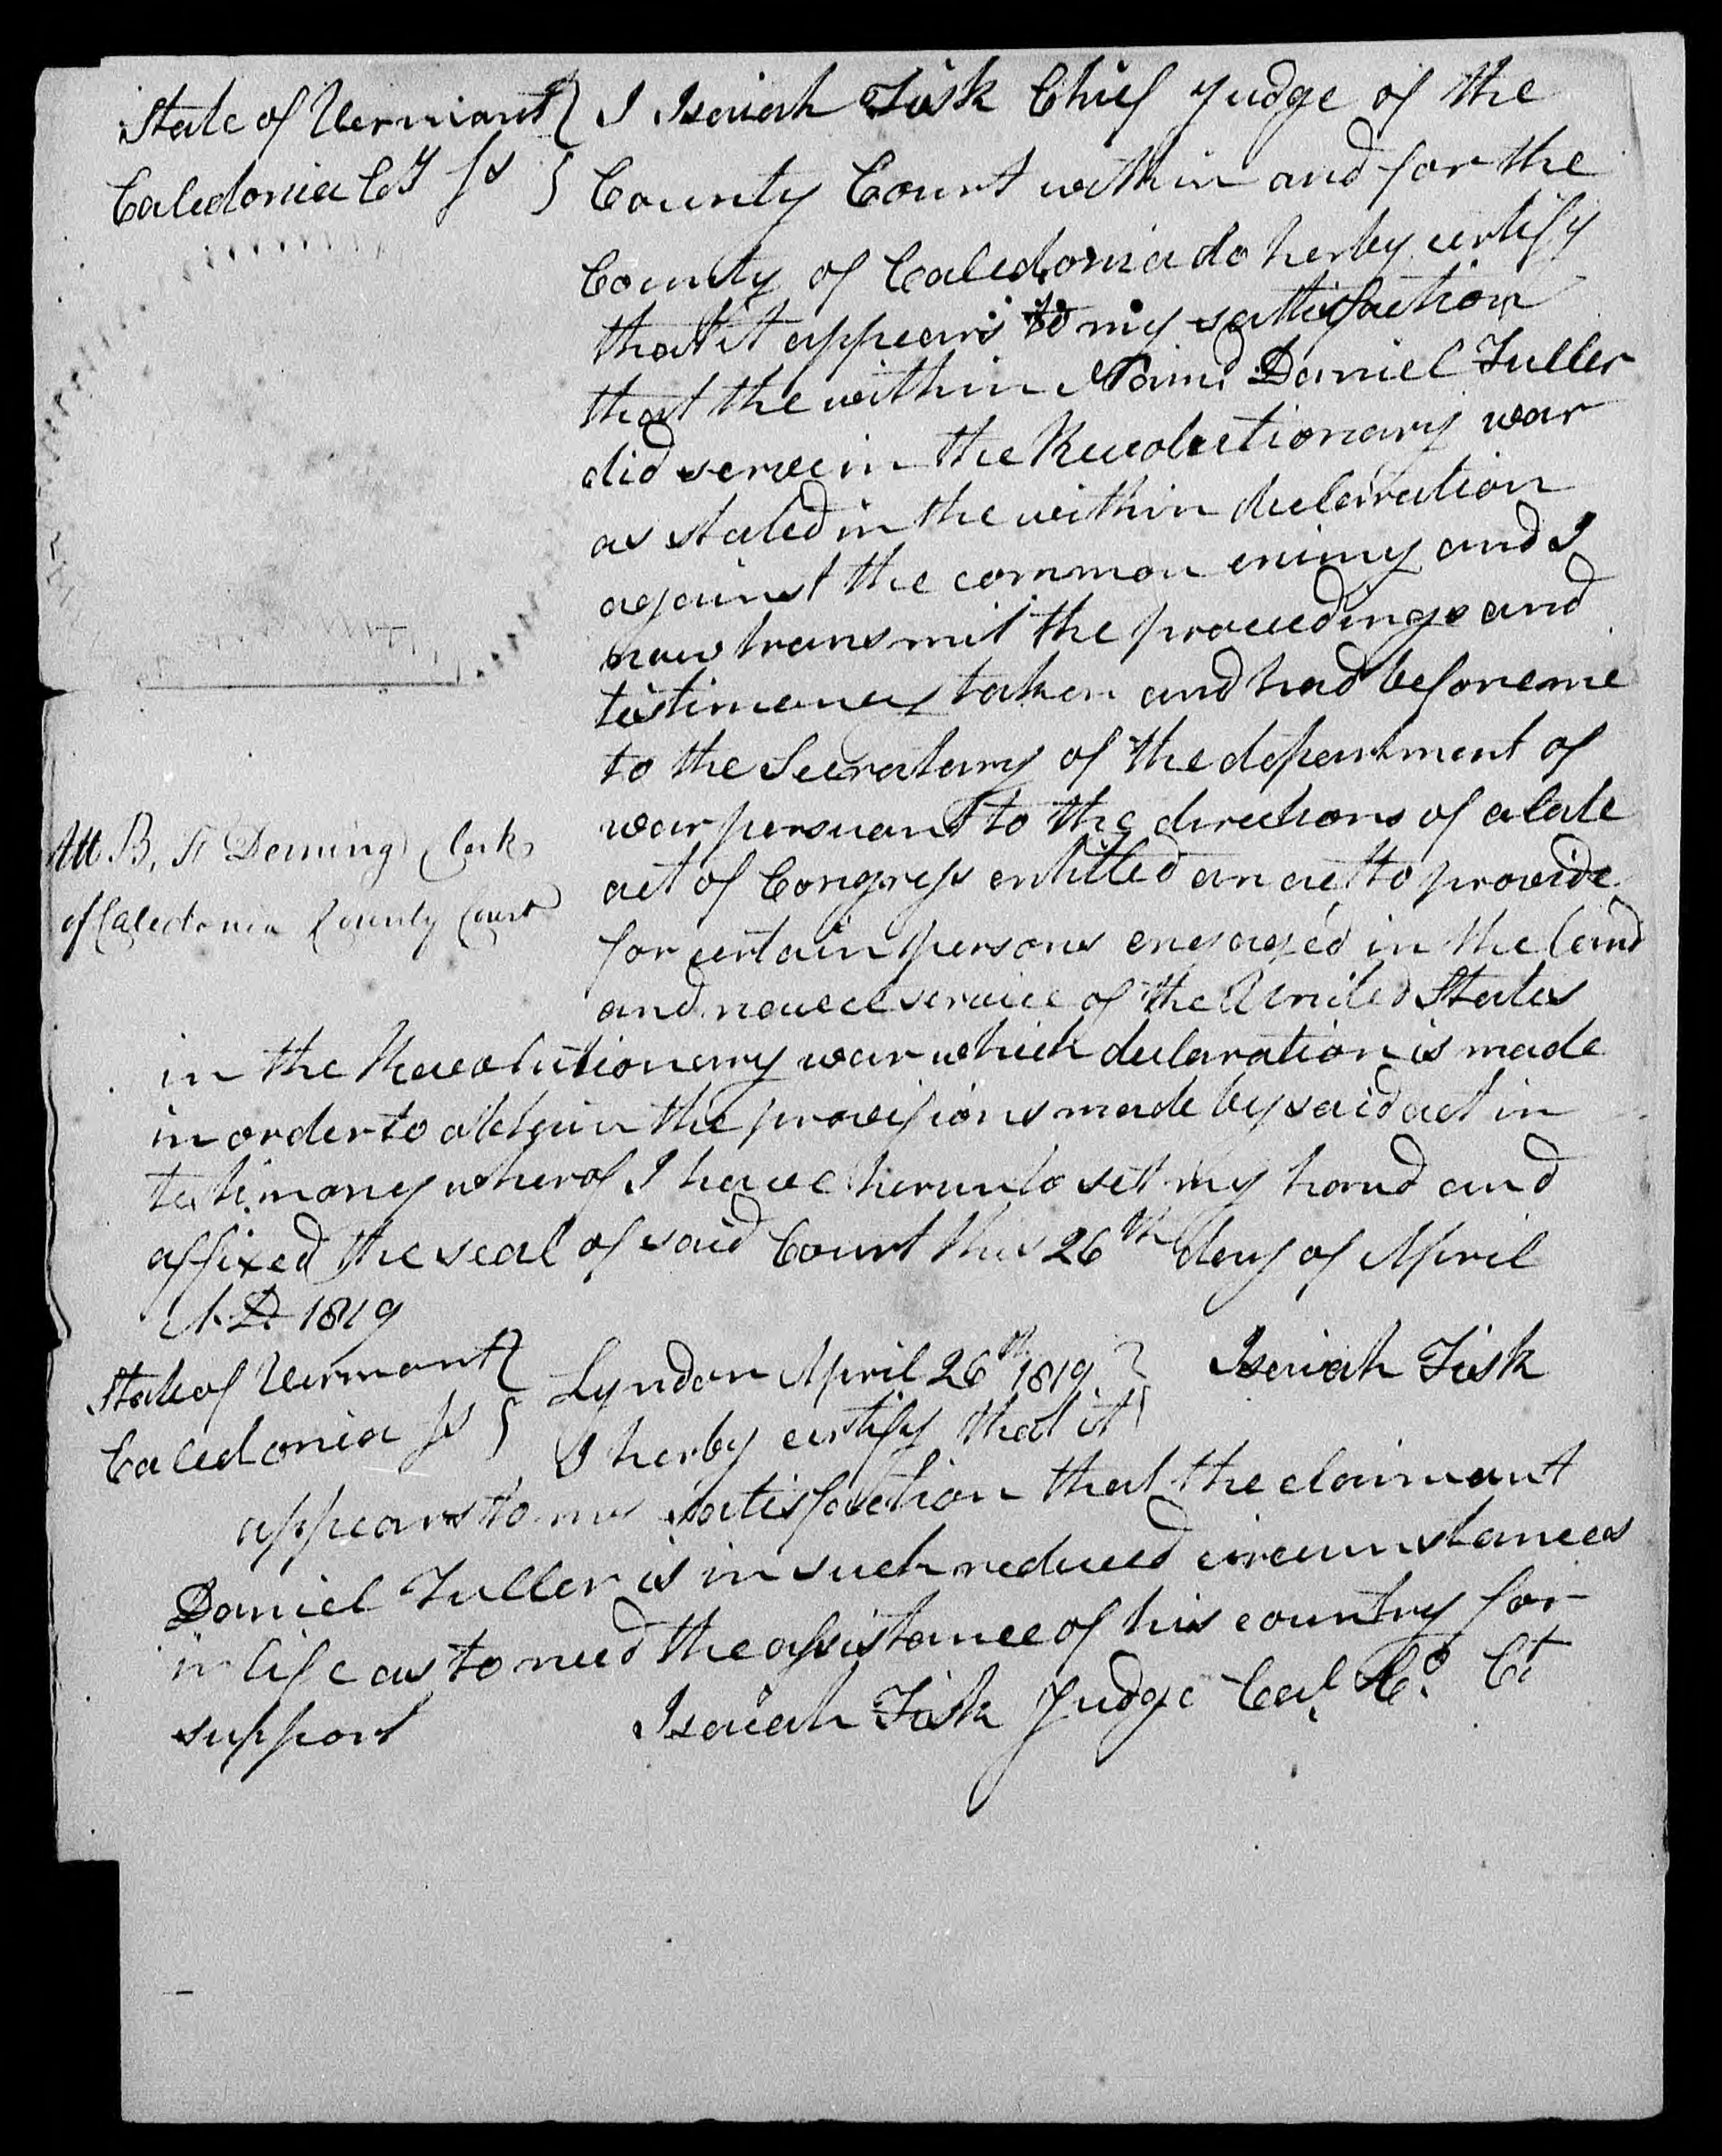State of Vermont Caledonia Co.y ss}
I Isaiah Fisk Chief Judge of the County Court within and for the County of Caledonia do hereby certify that it appears to my satisfaction that the within named Daniel Fuller did serve in the Revolutionary war as stated in the within Declaration against the common enemy and I now transmit the proceedings and testimony taken and had before me to the testimony of the depershment(?) of [illegible] pursuant to the directions of [illigible] act of Congress entitled an act to provide for certain persons engaged in the land and naval service of the United States in the Revolutionary war which declaration is made in order to obtain the pension made by said act in testimony whereof I have hereunto set my hand and affixed the seal of said Court this 26th day of April A.D. 1819
Isaiah Fisk (signed)

State of Vermont
Co Caledonia ss}
Lyndon April 26th 1819
I hereby certify that it appears to my satisfaction that the claimant Daniel Fuller is in such reduced circumstances in life as to need the assistance of his country for support
Isaiah Fisk Judge Cal. Co. Ct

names: Daniel Fuller, B F Deming, Isaiah Fisk, Isaiah Fisk, Daniel Fuller, Isaiah Fisk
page: 27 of 29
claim: survivor's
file: S. 18830, Daniel Fuller, Mass.